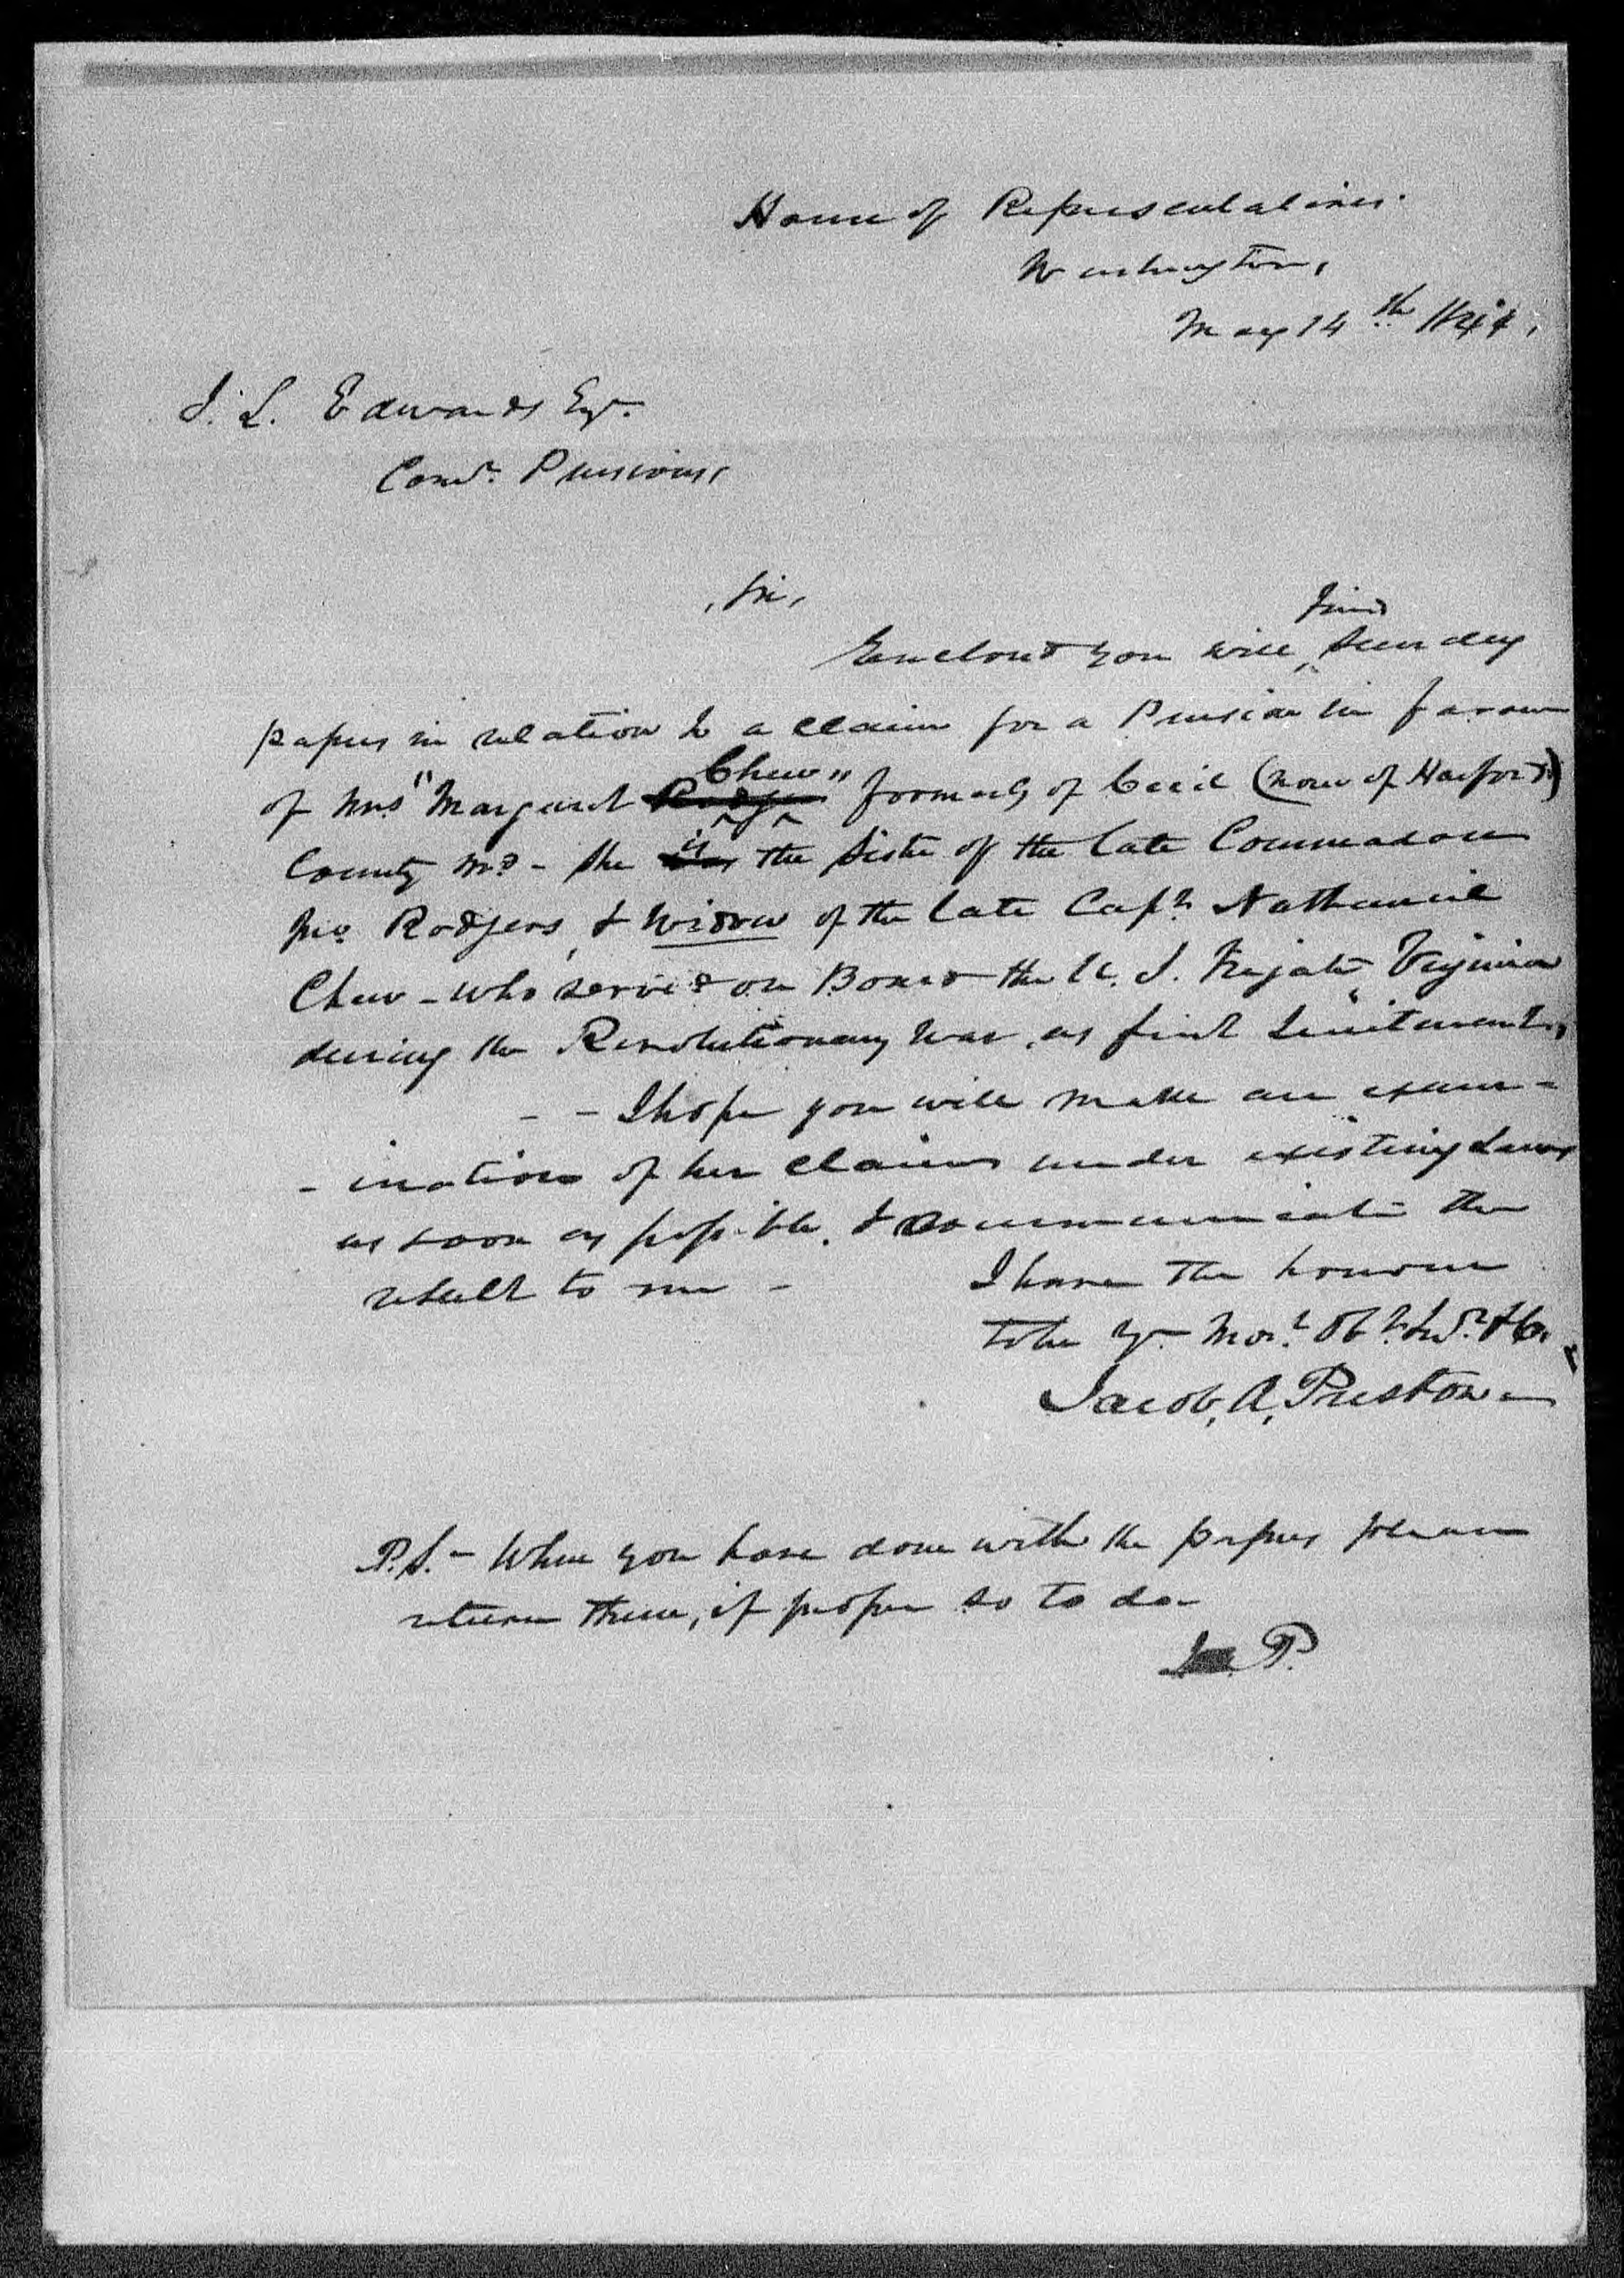House of Representatives
Washington,
May 14th 1844

J. L. Edwards Esqr.
Comr. Pensions

Sir,

Enclosed you will find sundry
papers in relation to a claim for a Pension in favour
of Mrs. "Margaret [Rodgers-struck out] Chew" formerly of Cecil (now of Harford)
County Md.  She [was-struck out] is the Sister of the late Commodore
Jno Rodgers & [begin underline]widow[end underline] of the late Capt. Nathaniel
Chew-who served on board the U.S. Frigate Virginia 
during the Revolutionary Was as first Lieutenant.

--I hope you will make an exam-
ination of her claim under existing Laws
as soon as possible & communicate the
result to me.

I have the honour
to be Yr. Most Obt. Servt. [illegible]
Jacob A. Preston

P.S.-When you have done with the papers, please
return them, if proper, so to [illegible]
J.P.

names: Jacob A Preston, J L Edwards, Nathaniel Chew, Jno Rodgers, Margaret Chew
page: 54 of 59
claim: widow's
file: W. 9383, Nathaniel Chew, Navy (Md.)